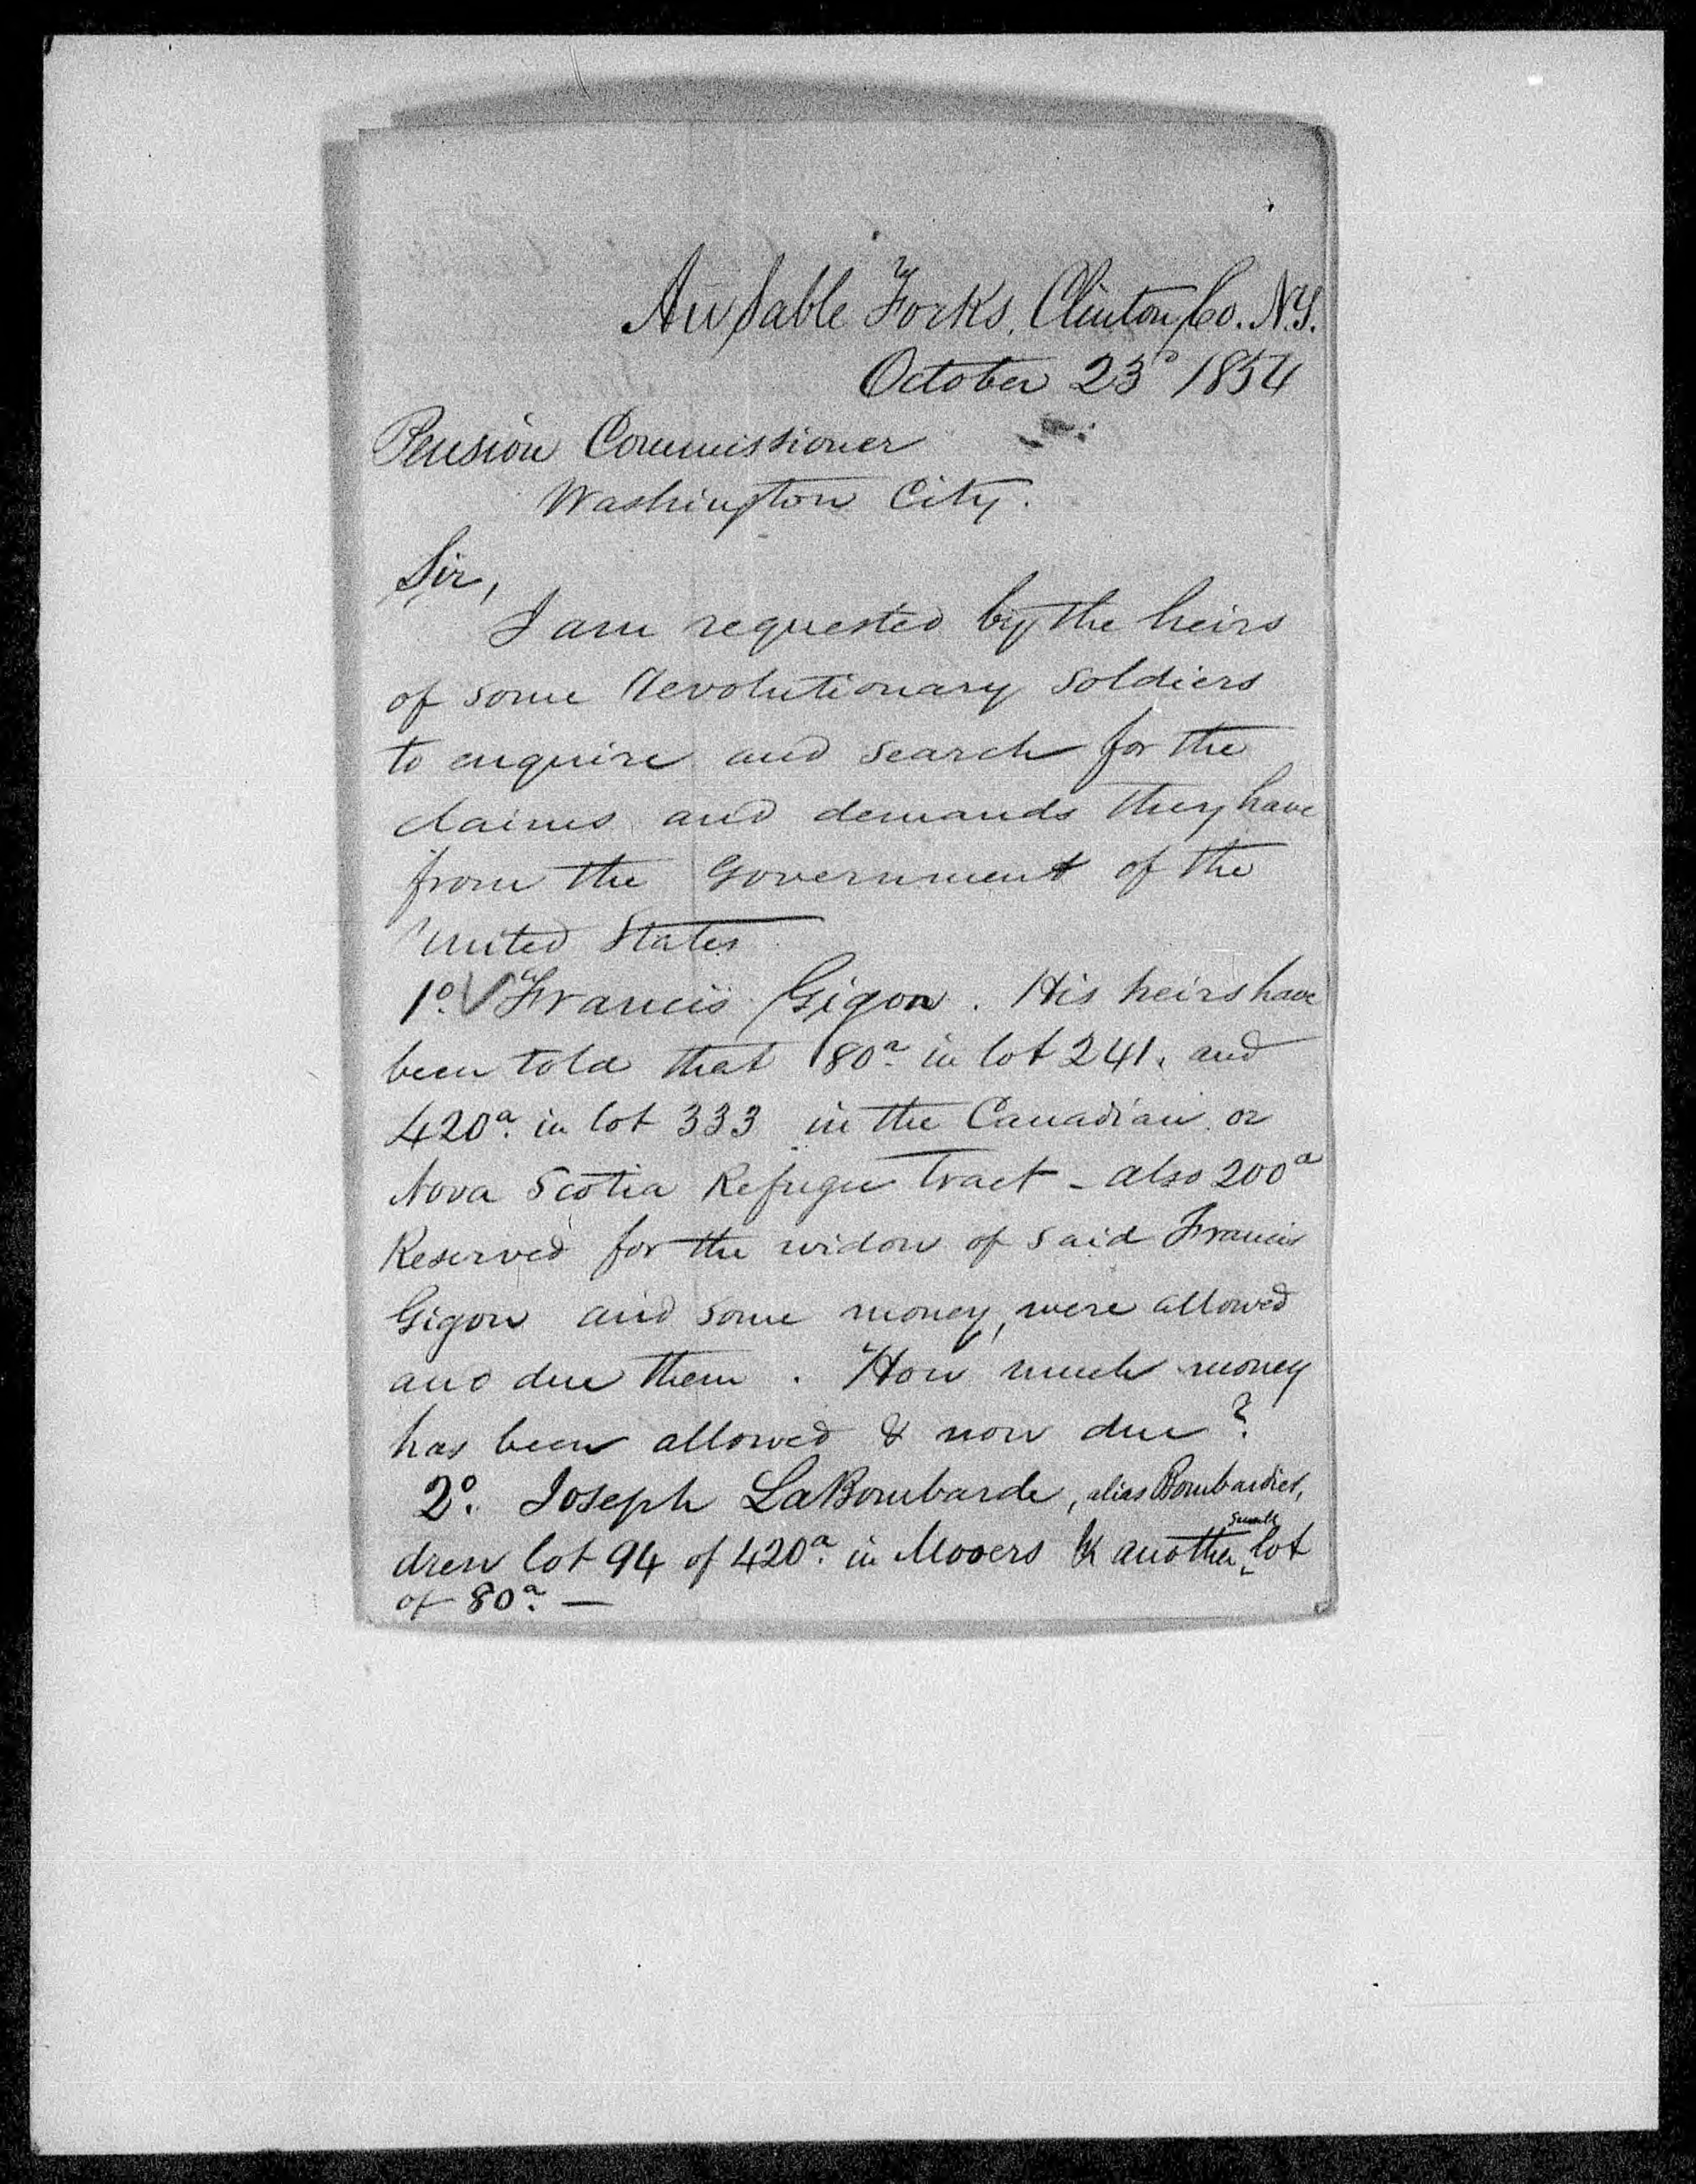Au Sable Forks, Clinton Co. N.Y.
October 23, 1854
Pension Commissioner
Washington City
Sir,
I am requested by the heirs of some revolutionary soldiers to enquire and search for the claims and demands they have from the government of the United States.
10V Francis Gigon. His heirs have been told that 80.00 in lot 241, and 420.00 in lot 333 in the Canadian or Nova Scotia Refugee Tract - also 200.00a Reserved for the widow of said Francis Gigon and some money were allowed and due them.  How much money has been allowed & now due?
2o. Joseph LaBourbarde, alias Bourbardier, dress lot 94 of 420 in Mooers in another small lot of 80.a -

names: Francis Gigon, Joseph Bombardier, Francis Gigon, Joseph La Bombarde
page: 30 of 98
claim: widow's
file: W. 21182, Francis Gigo, Continental (Canadian)